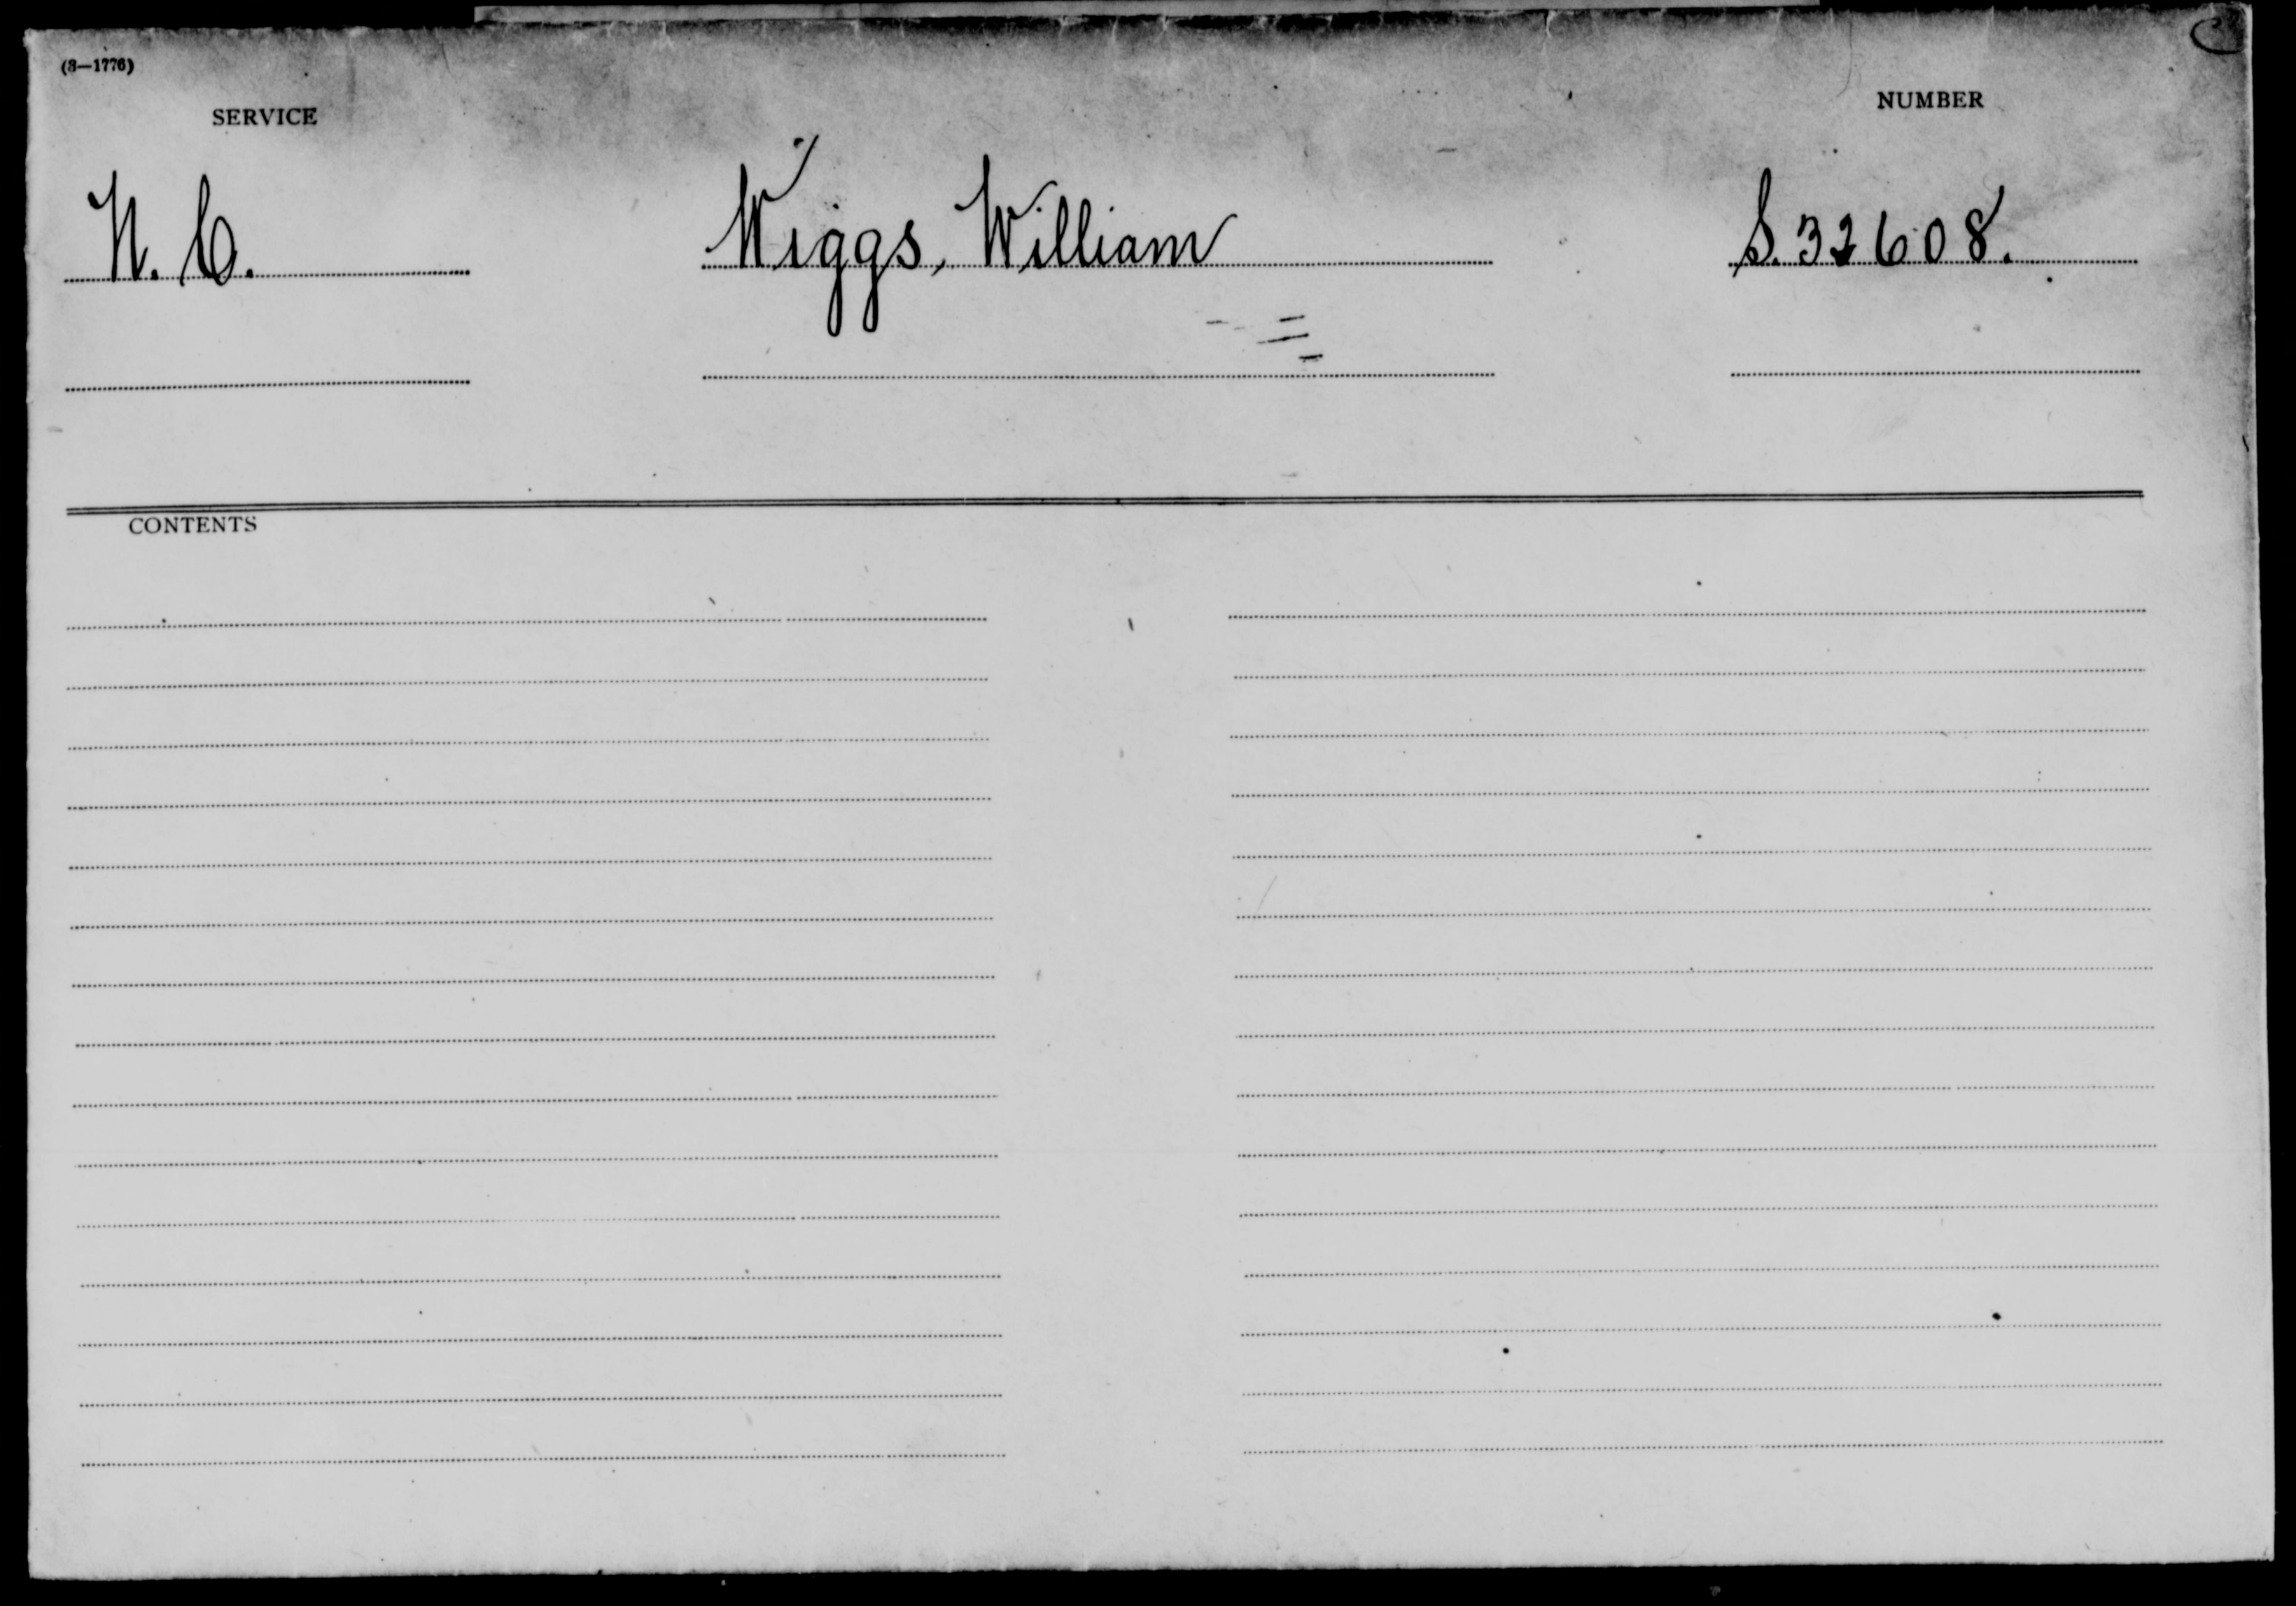SERVICE 

N.C.  

Wiggs, William  

NUMBER 

S32608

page: 1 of 31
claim: survivor's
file: S. 32608, William Wiggs, N.C.